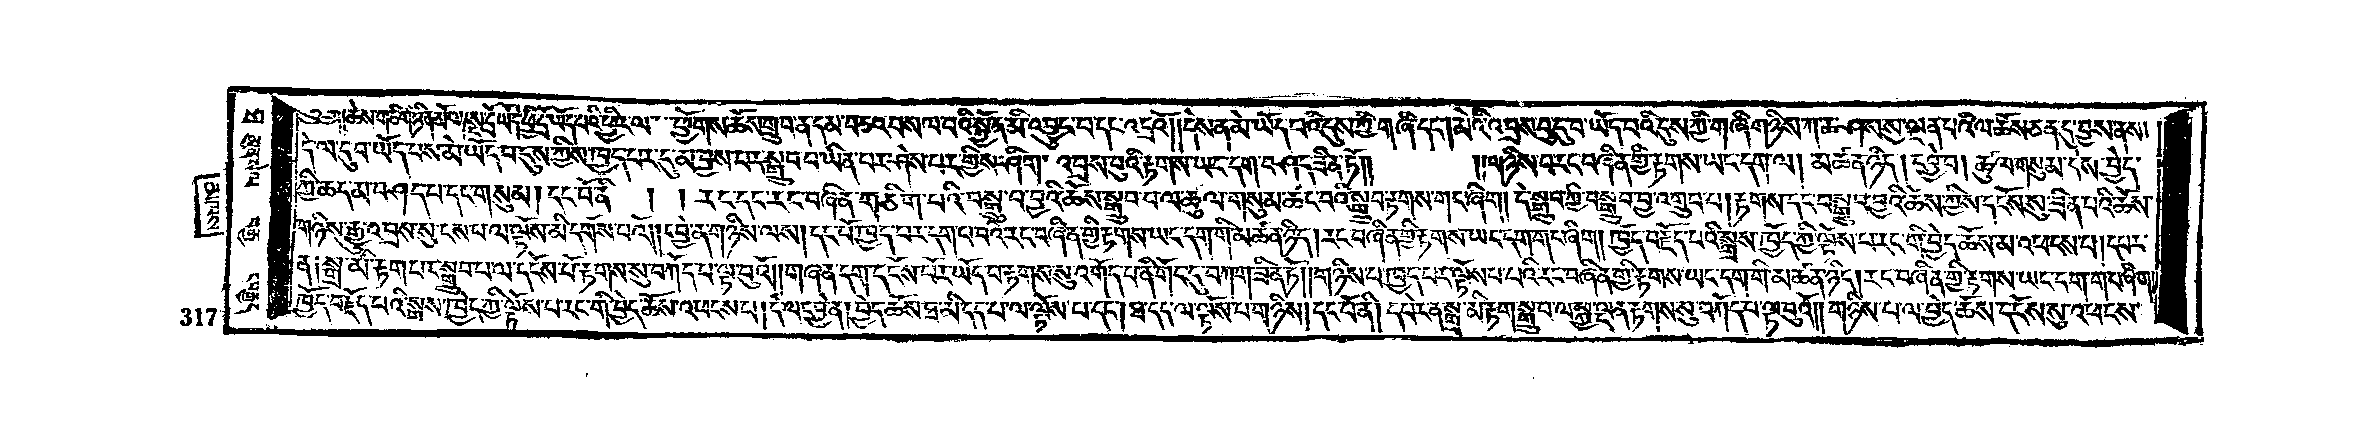༄༅། །ཚེས་གཅིག་ཉིན་མོ་ལ། སྔ་དྲོ་ཡོད་དེ་ཕྱི་དྲོ་ཡོད་པའི་ཕྱིར་ལ་ཕྱོགས་ཆོས་གྲུབ་ན་དམ་བཅའ་བསལ་བའི་སྐྱོན་མི་འབྱུང་བ་དང་འདྲའོ། །དེས་ན་མེ་ཡོད་པའི་དུས་ཀྱི་གཞི་དང་། མེའི་འབྲས་བུ་དུ་བ་ཡོད་པའི་དུས་ཀྱི་གཞི་གཉིས་ཀ་ཆ་ཤས་སུ་ལྡན་པའི་ལ་ཆོས་ཅན་དུ་བྱས་ནས།
དེ་ལ་དུ་བ་ཡོད་པས་མེ་ཡོད་པ་དུས་ཀྱིས་ཁྱད་པར་དུ་མ་བྱས་པར་སྒྲུབ་པ་ཡིན་པར་ཤེས་པར་གྱིས་ཤིག་འབྲས་བུའི་རྟགས་ཡང་དག་བཤད་ཟིན་ཏོ།། །།གཉིས་པ་རང་བཞིན་གྱི་རྟགས་ཡང་དག་ལ། མཚན་ཉིད། དབྱེ་བ། ཚུལ་གསུམ་ངེས་བྱེད་
ཀྱི་ཚད་མ་བཤད་པ་དང་གསུམ། དང་པོ་ནི། །རང་དང་རང་བཞིན་གཅིག་པའི་བསྒྲུབ་བྱའི་ཆོས་སྒྲུབ་པ་ལ་ཚུལ་གསུམ་ཚང་བའི་སྒྲུབ་རྟགས་གང་ཞིག །དེ་སྒྲུབ་ཀྱི་བསྒྲུབ་བྱ་འགྲུབ་པ། རྟགས་དང་བསྒྲུབ་བྱའི་ཆོས་ཀྱིས་དངོས་སུ་ཟིན་པའི་ཆོས་
གཉིས་རྒྱུ་འབྲས་སུ་ངས་པ་ལ་ལྟོས་མི་དགོས་པའོ། །དབྱེ་ན་གཉིས་ལས། དང་པོ་ཁྱད་པར་དག་པ་བའི་རང་བཞིན་གྱི་རྟགས་ཡང་དག་གི་མཚན་ཉིད། རང་བཞིན་གྱི་རྟགས་ཡང་དག་གང་ཞིག །ཁྱོད་བརྗོད་པའི་སྒྲས་ཁྱོད་ཀྱི་ལྟོས་པ་རང་གི་བྱེད་ཆོས་མ་འཕངས་པ། དཔེར་
ན༑ སྒྲ་མི་རྟག་པར་སྒྲུབ་པ་ལ་དངོས་པོ་རྟགས་སུ་བཀོད་པ་ལྟ་བུའོ། །གཞན་དག་དངོས་པོར་ཡོད་པ་རྟགས་སུ་འགོད་པ་ནི་གོང་དུ་བཀག་ཟིན་ཏོ། །གཉིས་པ་ཁྱད་པར་ལྟོས་པ་པའི་རང་བཞིན་གྱི་རྟགས་ཡང་དག་གི་མཚན་ཉིད། རང་བཞིན་གྱི་རྟགས་ཡང་དག་གང་ཞིག །
ཁྱོད་བརྗོད་པའི་སྒྲས་ཁྱོད་ཀྱི་ལྟོས་པ་རང་གི་བྱེད་ཆོས་འཕངས་པ། དེ་ལ་དབྱེ་ན། བྱེད་ཆོས་ཐ་མི་དད་པ་ལ་ལྟོས་པ་དང་། ཐ་དད་ལ་ལྟོས་པ་གཉིས། དང་པོ་ནི། དཔེར་ན་སྒྲ་མི་རྟག་སྒྲུབ་ལ་སྐྱེ་ལྡན་རྟགས་སུ་བཀོད་པ་ལྟ་བུའོ། །གཉིས་པ་ལ་བྱེད་ཆོས་དངོས་སུ་འཕངས་